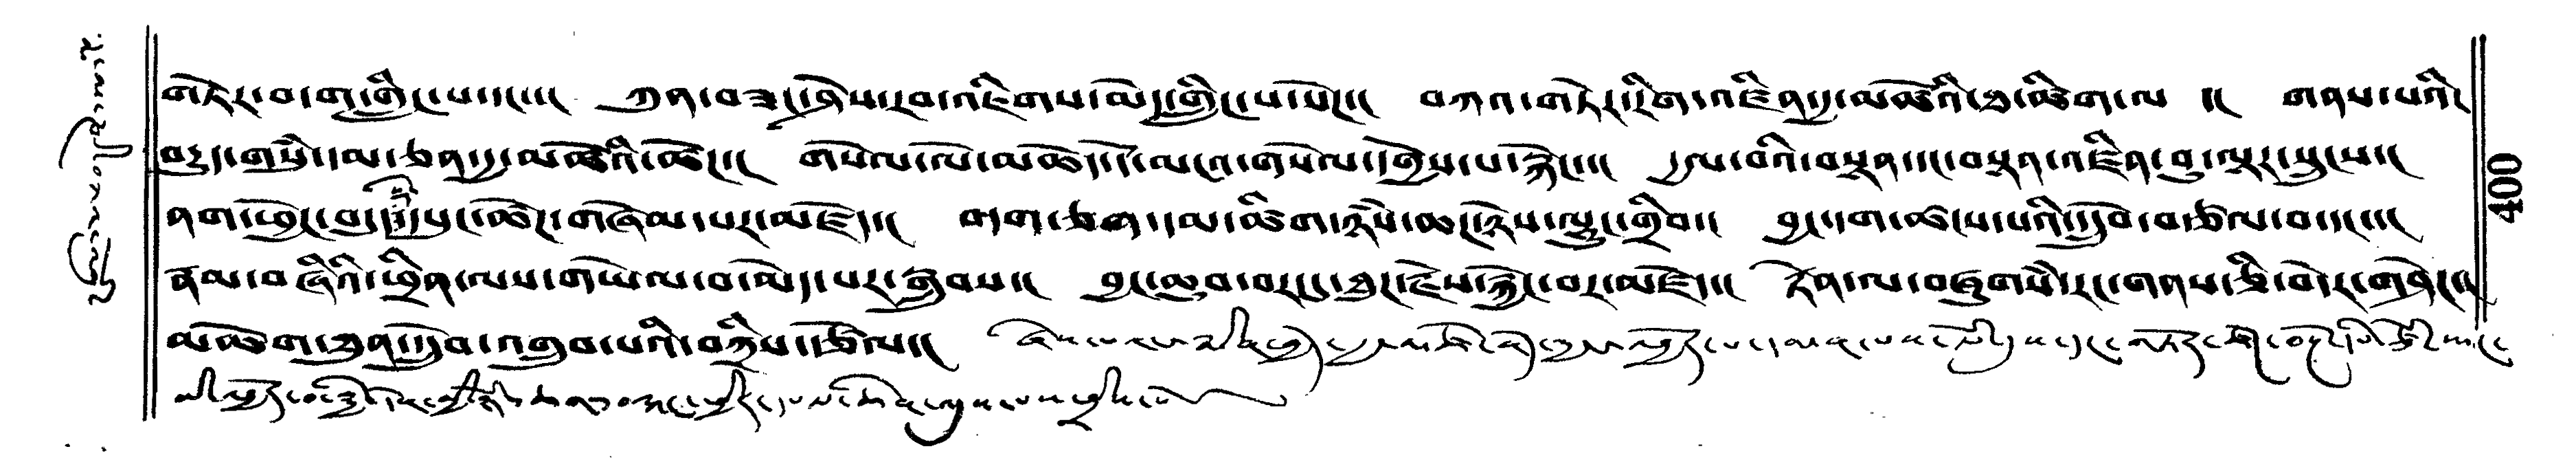གཏེར་བདག་གླིང་པ་དང་། །ཀུན་བཟང་ཤེས་རབ་འཇིགས་མེད་གླིང་པ་སོགས། །བཀའ་གཏེར་རིག་འཛིན་རྒྱ་མཚོའི་ཐ་ཚིག་ལ། །གནས་པའི་
བརྒྱུད་གསུམ་དམ་ཅན་རྒྱ་མཚོའི་ཚོགས། །གསོལ་ལོ་མཆོད་དོ་མངའ་གསོལ་དགྱེས་པ་སྐོང་། །རྒྱལ་བའི་བསྟན་དང་བསྟན་འཛིན་བུ་ལྟར་སྲུངས། །
ནག་ཕྱོགས་བདུད་སྡེའི་དཔུང་ཚོགས་གཞོམ་པར་མཛོད། །བདག་ཅག་དམ་ཚིག་ཉམས་ཆག་ཉེས་ལྟུང་གྲིབ། །བྱང་དག་ཚངས་པའི་དངོས་གྲུབ་སྩོལ་བ་དང་། །
རྣམ་བཞིའི་ཕྲིན་ལས་གཡེལ་བ་མེད་པར་སྒྲུབས། །བྱང་ཆུབ་བར་དུ་ཐུགས་རྗེས་སྐྱོང་བར་མཛོད། །རྟེན་ལ་བཞུགས་སམ་རང་གནས་ཅི་བདེར་གཤེགས། །
མཆོག་ཐུན་དངོས་གྲུབ་འགྲུབ་པའི་བཀྲ་ཤིས་སྩོལ། ཞེས་པའང་སྨིན་བྱེད་རྒྱ་མཚོ་ནོད་ཀྱང་འབྱོར་པ་དམན་པས་ལམ་དུས་དང་གཏོར་ཚོགས་བསྔོ་དཔེ་ཙམ་ཡང་
མི་འབྱོར་བ་སྐྱེ་དོན་གྱི་ཉམས་ཆག་བསྐང་ཕྱིར་དཔལ་ཆེན་འདུས་པས་བྲིས་པའོ།། མངྒ་ལཾ།།